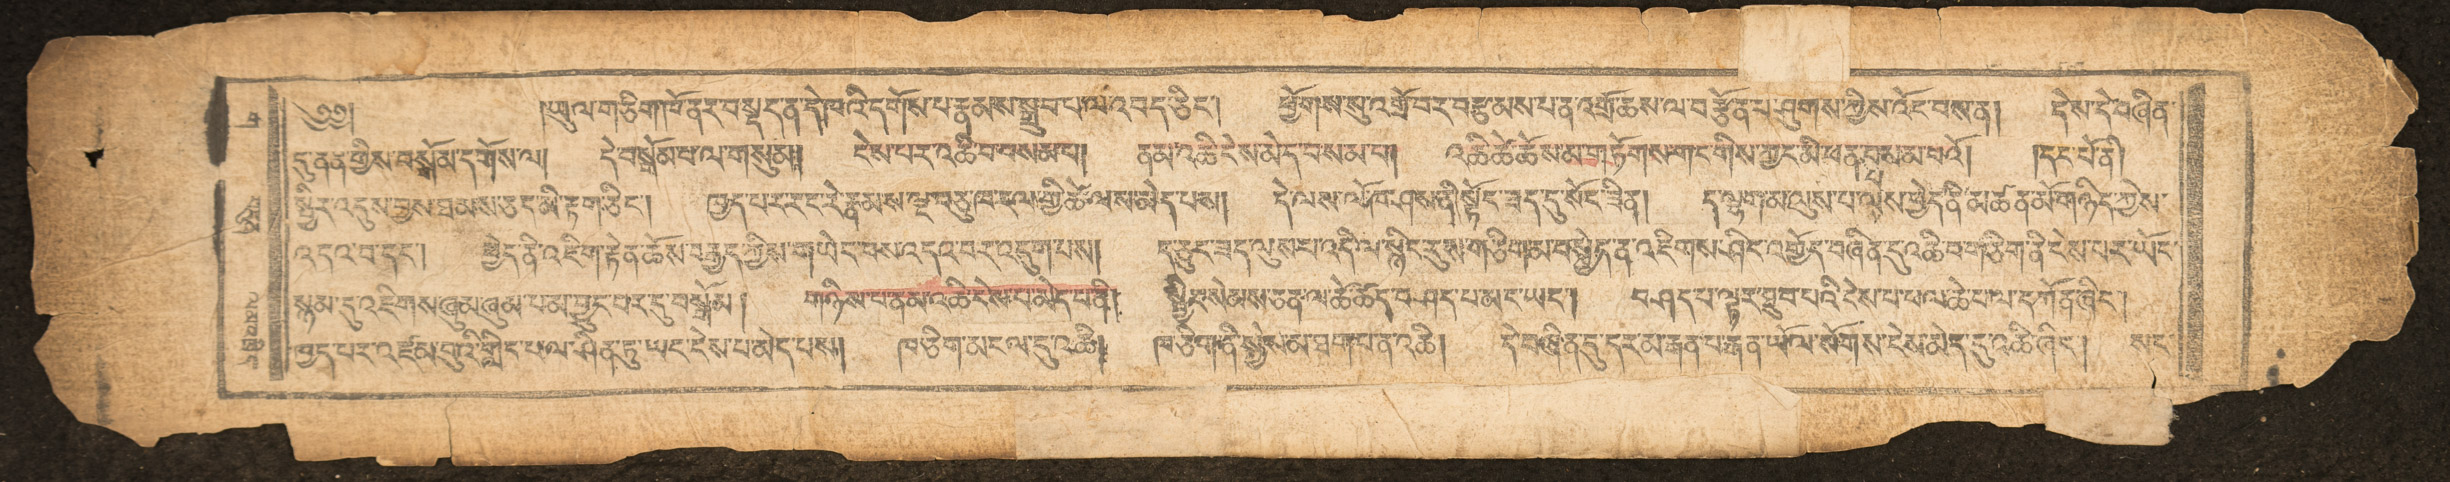༄༅། །ཡུལ་གཅིག་ཁོ་ནར་བསད་ན་དེ་ཁའི་དགོས་བསྣམས་སྒྲུབ་པ་ལ་འབད་ཅིང་། ཕྱགས་སུ་འགྲོ?་འདི་བརྩམས་པ་ན་འགྲོ་ཆོས?་ལ་བརྩོན་པ་ཤུགས་ཀྱིས་ལོང?་བས་ན། དེས་དེ་བཞིན་
དུ?་ནད་གྱིས་བསྒོམ་དགོས་ལ། དེ་བསྒོམ་པ་ལ་གསུམ། ངེས་པར་འཆི་བ་བསམ་པ། རྣམ་འཆི་ངེས་མེད་བསམ་པ། འཆི་ཚེ་ཆོས་མ་གཏོགས་གང་གིས་ཀྱང་མི་ཕན་བསམ་པའོ། །དང་པོ་ནི།
ཕྱིར?་འདུས་བྱས་ཐམས་ཅད་མི་རྟག་ཅིང་། ཁྱད་པར་རང་རེ་རྣམས་ལྔ་བཅུ་ཁ་རལ་གྱི་ཚེ་ལས་མེད་པས། དེ་ལས་ལོ་ཁ་ཤས་ནི་སྟོང་ཟད་དུ་སོང་ཟིན། ད་ལྷག་མ་ལུས་པ་ལས་ཕྱེད་ནི་མཚན་མོ་གཉིད་ཀྱིས་
འདའ་བ་དང་། ཕྱེད་ནི་འཇིག་རྟེན་ཆོས་བརྒྱད་ཀྱིས་གཡེང་བས་འདའ་བར་འདུག་པས། ད་ཅུང་ཟད་ལུས་པ་འདི་ལ་སྙིང་རུས་གཅིག་མ་བསྐྱེད་ན་འཇིགས་ཤིང་འགྱོད་བཞིན་དུ་འཆི་བ་གཅིག་ནི་ངེས་པར་ཡོང་
སྙམ་དུ་འཇིགས་ཞུམ་ཞུམ་པ་མ་བྱུང་བར་དུ་བསྒོམ། གཉིས་པ་ནམ་འཆི་ངེས་པ་མེད་བ?་ནི། སྤྱིར་སེམས་ཅན་ལ་ཚེ་ཚད་བཤད་པ་མང་ཡང་། བཤད་པ་ལྟར་ཐུབ་པའི་ངེས་པ་ཕལ་ཆེ་བ་ལ་དཀོན་ཞིང་།
ཁྱད་པར་འཛམ་བུའི་གླིང་པ་ལ་ཤིན་ཏུ་ཡང་ངེས་པ་མེད་པས། ཁ་ཅིག་མ་བལ་དུ་འཆི། ཁ་ཅིག་ནི་སྐྱེས་མ་ཐག་པ་ན་འཆི། དེ་བཞིན་དུ་དར་མ་རྒན་པ་རྒན་ཡོལ་སོགས་ངེས་མེད་དུ་འཆི་ཞིང་།